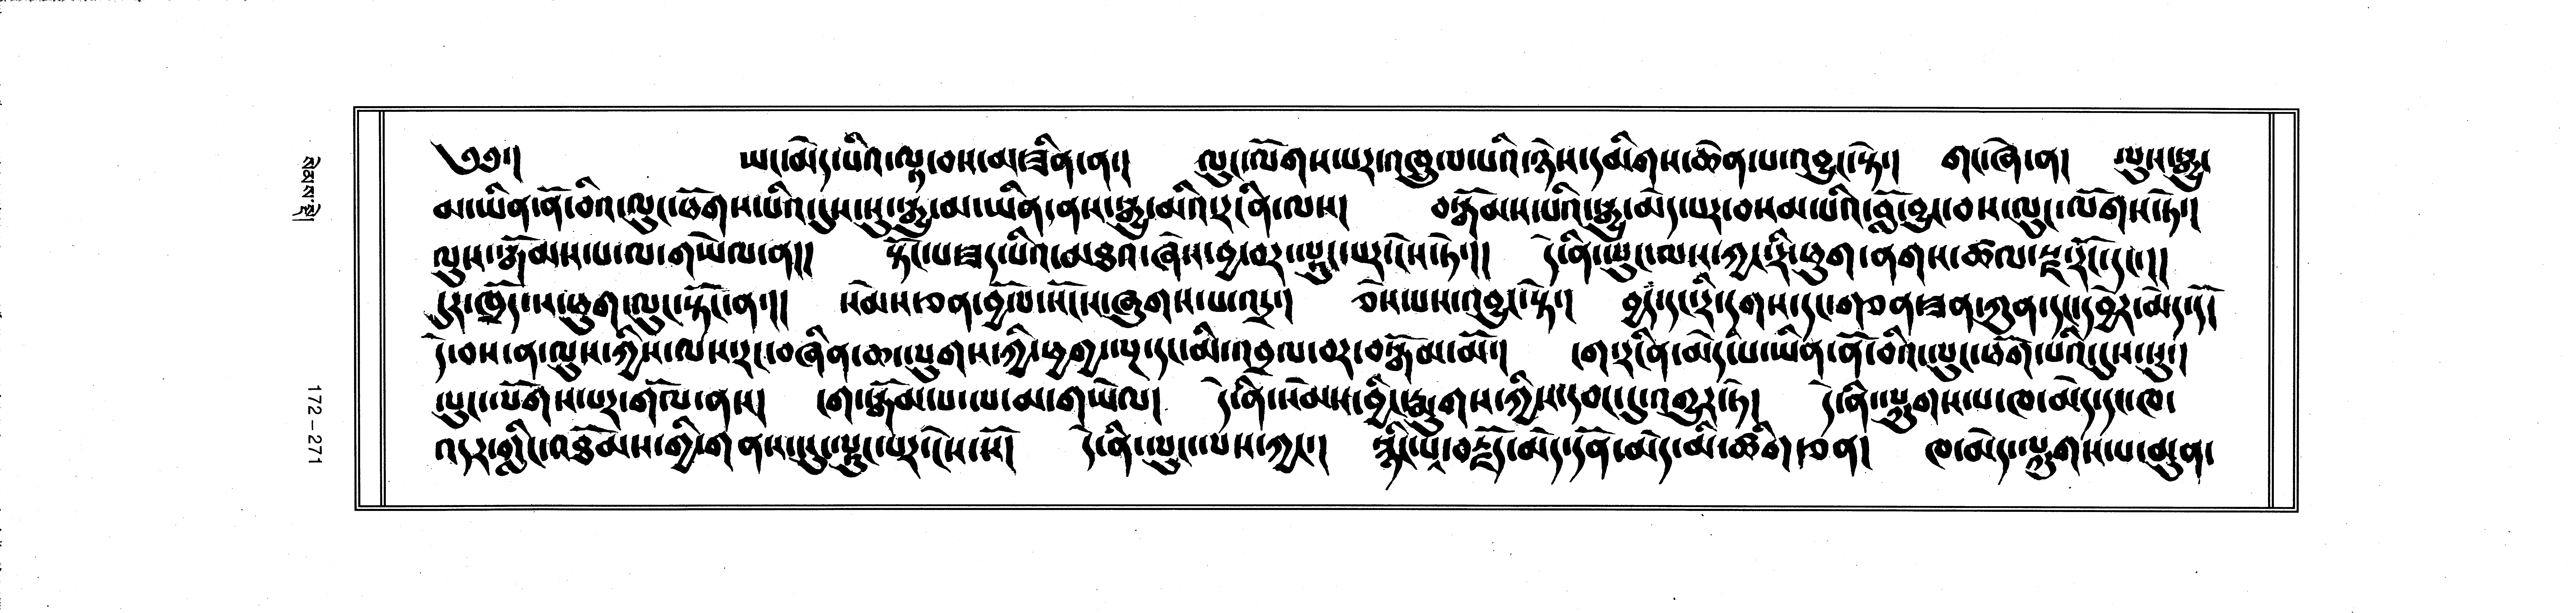མེད་པའི་ལྟ་བས་མ་ཟིན་ན། ལུང་ལོག་པར་འཁྲུལ་པའི་ཉེས་དམིགས་ཆེན་པོ་འབྱུང་སྟེ། གང་ཞེ་ན། ལུས་སྒྱུ་
མ་ཡིན་ནོ་བའི་ལུང་ཕོགས་པའི་དུས་སུ་སྒྱུ་མ་ཡིན་ནས་སྒྱུ་མའི་རང་བཞིན་ལས། བསྒོམས་པའི་སྒྱུ་མེད་པར་བསམ་པའི་བློ་བྱུང་བས་ལུང་ལོག་ཏེ། 
ལུས་སྒོམས་པ་ལ་གཡེལ་ན། སྟོང་པ་ཟད་པའི་མཐའ་ཞེས་བྱ་བར་ལྟུང་པར་ངེས་ཏེ། དེ་ནི་ལུང་ལས་ཀྱང་རི་ཕུག་ནགས་ཚལ་རྫ་རོང་དང་། 
དུར་ཁྲོད་ས་ཕུག་ལུང་སྟོང་ན། སེམས་ཅན་བྱོལ་སོངས་ཞུགས་པ་འདྲ། ཅེས་པས་འབྱུང་སྟེ། བྱ་དང་རི་དྭགས་དང་གཅན་ཟན་ཀུན་དང་དབྱེར་མེད་དོ། 
དེ་བས་ན་ལུས་ཀྱིས་ལས་རང་བཞིན་ཆ་ལུགས་ཀྱི་ཕྱག་རྒྱ་ལྔ་དང་མི་འབྲལ་བར་བསྒོམ་མོ། ངག་རང་བཞིན་མེད་པ་ཡིན་ནོ་བའི་ལུང་ཕོག་པའི་དུས་སུ། 
ལུང་ལོག་པར་གོལ་ནས། ངག་སྒོམ་པ་ལ་མ་གཡེལ། དེ་ནི་སེམས་བྱི་རྨུགས་ཀྱིས་དབང་དུ་འགྱུར་ཏེ། དེ་ནི་ལྐུགས་པ་ཁ་མེད་དང་ཁ་
འདར་གླིང་འཐོམས་གྱི་གནས་སུ་ལྟུང་པར་ངེས་སོ། དེ་ནི་ལུང་ལས་ཀྱང་། སྙིང་པོ་བརྗོད་མེད་དོན་མེད་མི་ཚིག་ཅན། ཁ་མེད་ལྐུགས་པ་མུན་